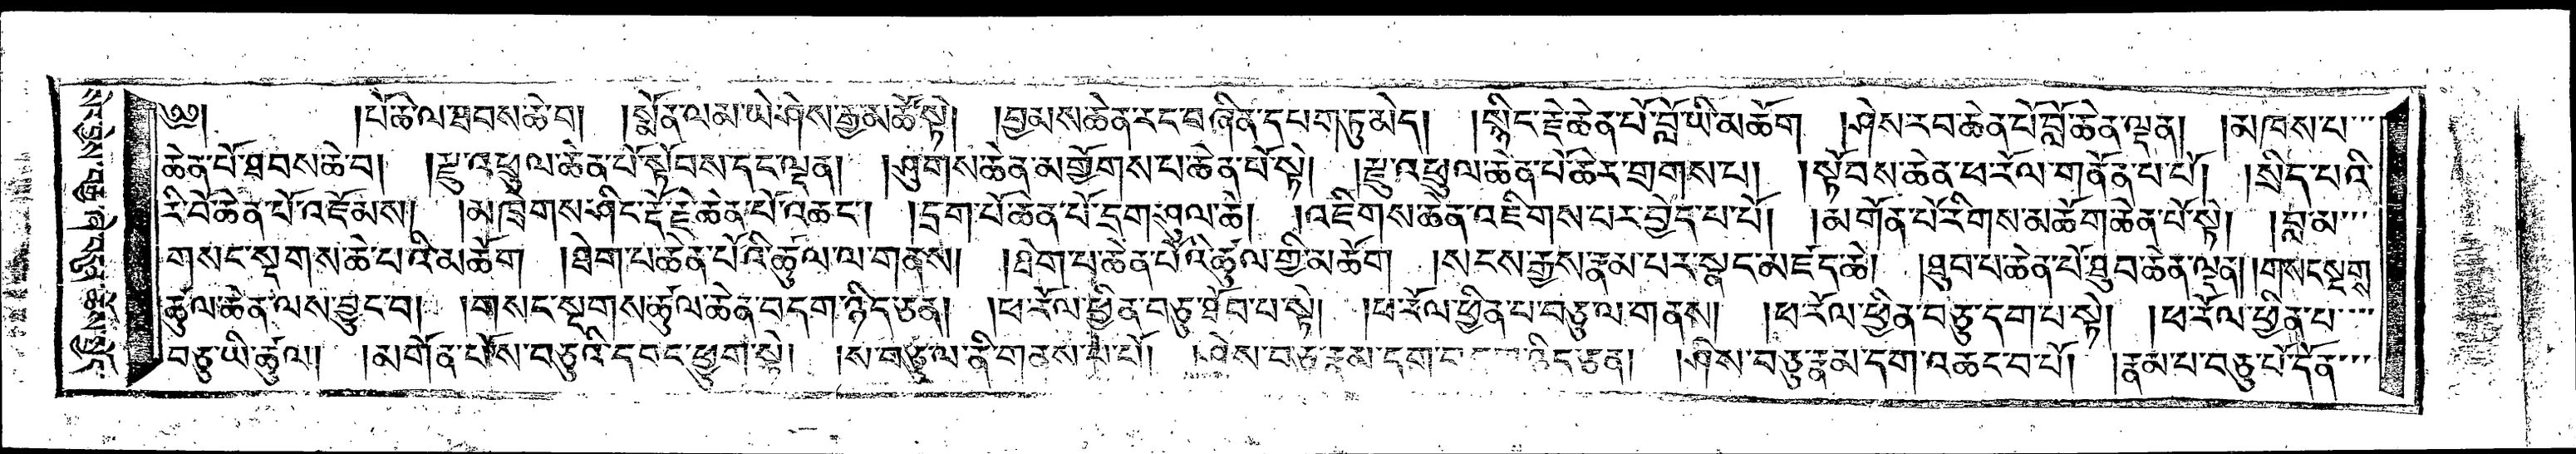༄༅། །པོ་ཆེ་ལ་ཐབས་ཆེ་བ། །སྨོན་ལམ་ཡེ་ཤེས་རྒྱ་མཚོ་སྟེ། །བྱམས་ཆེན་རང་བཞིན་དཔག་ཏུ་མེད། །སྙིང་རྗེ་ཆེན་པོ་བློ་ཡི་མཆོག །ཤེས་རབ་ཆེན་པོ་བློ་ཆེན་ལྡན། །མཁས་པ་
ཆེན་པོ་ཐབས་ཆེ་བ། །རྫུ་འཕྲུལ་ཆེན་པོ་སྟོབས་དང་ལྡན། །ཤུགས་ཆེན་མགྱོགས་པ་ཆེན་པོ་སྟེ། །རྫུ་འཕྲུལ་ཆེན་པོ་ཆེར་གྲགས་པ། །སྟོབས་ཆེན་ཕ་རོལ་གནོན་པ་པོ། །སྲིད་པའི་
རི་བོ་ཆེན་པོ་འཇོམས། །མཁྲེགས་ཤིང་རྡོ་རྗེ་ཆེན་པོ་འཆང་། །དྲག་པོ་ཆེན་པོ་དྲག་ཤུལ་ཆེ། །འཇིགས་ཆེན་འཇིགས་པར་བྱེད་པ་པོ། །མགོན་པོ་རིགས་མཆོག་ཆེན་པོ་སྟེ། །བླ་མ་
གསང་སྔགས་ཆེ་བའི་མཆོག །ཐེག་པ་ཆེན་པོའི་ཚུལ་ལ་གནས། །ཐེག་པ་ཆེན་པོའི་ཚུལ་གྱི་མཆོག །སངས་རྒྱས་རྣམ་པར་སྣང་མཛད་ཆེ། །ཐུབ་པ་ཆེན་པོ་ཐུབ་ཆེན་ལྡན། །གསང་སྔགས་
ཚུལ་ཆེན་ལས་བྱུང་བ། །གསང་སྔགས་ཚུལ་ཆེན་བདག་ཉིད་ཅན། །ཕ་རོལ་ཕྱིན་བཅུ་ཐོབ་པ་སྟེ། །ཕ་རོལ་ཕྱིན་པ་བཅུ་ལ་གནས། །ཕ་རོལ་ཕྱིན་བཅུ་དག་པ་སྟེ། །ཕ་རོལ་ཕྱིན་པ་
བཅུ་ཡི་ཚུལ། །མགོན་པོ་ས་བཅུའི་དབང་ཕྱུག་སྟེ། །ས་བཅུ་ལ་ནི་གནས་པ་པོ། །ཤེས་བཅུ་རྣམ་དག་བདག་ཉིད་ཅན། །ཤེས་བཅུ་རྣམ་དག་འཆང་བ་པོ། །རྣམ་པ་བཅུ་པོ་དོན་